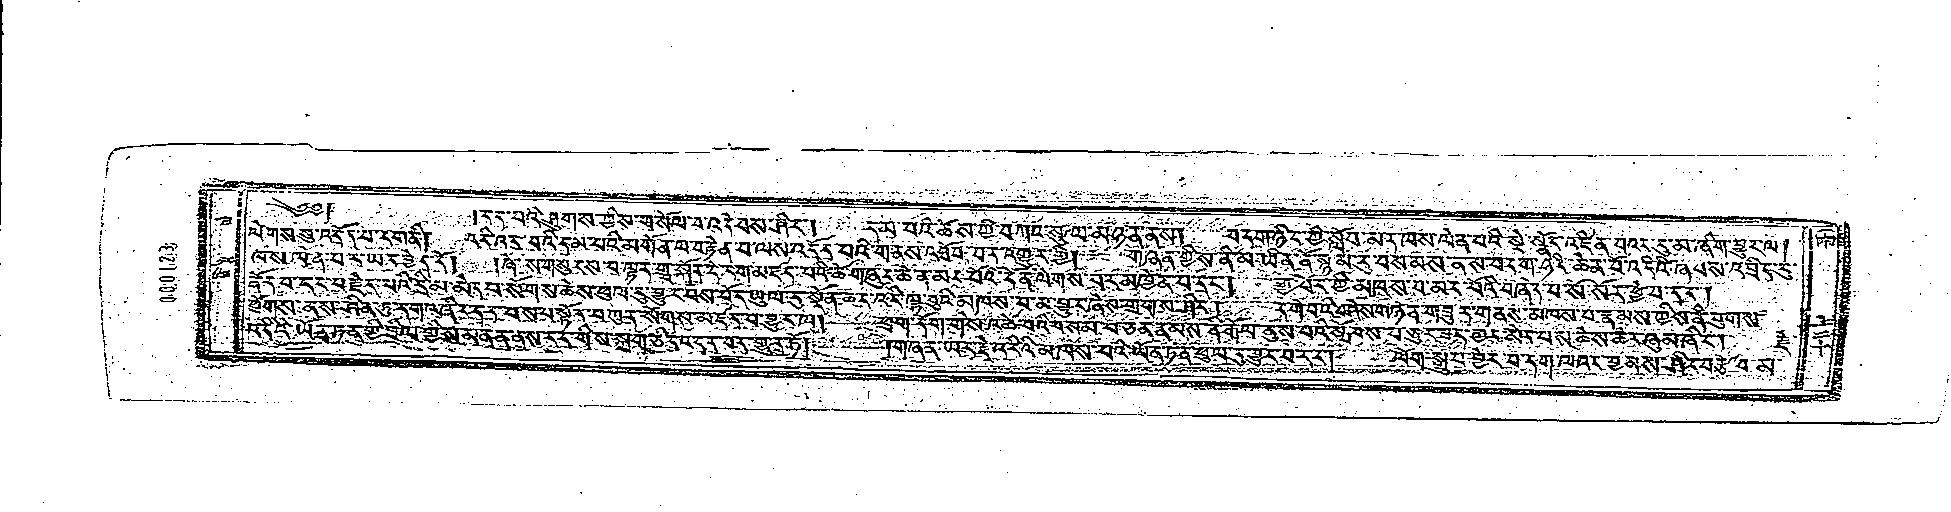༄༅། །དད་པའི་ཤུགས་ཀྱིས་གསོལ་བ་འདེབས་ཤིང་། དམ་བའི་ཆོས་ཀྱི་བཀའ་སྩལ་མཉན་ནས། བདག་ཉིད་ཀྱི་སློབ་མར་ཁས་ལེན་པའི་སྡེ་སྣོད་འཛིན་པའང་དུ་མ་ཞིག་བྱུང་ལ།
ལེགས་སུ་འདོད་པ་དག་ནི། འདི་འདྲ་བའི་དམ་པའི་མགོན་ལ་བརྟེན་པ་ལས་འདོད་པའི་གནས་འཐོབ་པར་འགྱུར་གྱི། གཞན་གྱིས་ནི་མ་ཡིན་ནོ་སྙམ་དུ་བསམས་ནས་བདག་ཉིད་ཆེན་པོ་འདིའི་ཞབས་འབྲིང་དུ་
ཁས་ལེན་པར་ཡང་བྱེད་དོ། །ཞེས་གསུངས་པ་ལྟར་གྲྭ་སྐོར་དེ་དག་མཛད་པའི་ཚེ་གཞུང་ཆེན་མང་པོའི་དོན་ལེགས་པར་མཁྱེན་པ་དང་། རྒྱ་པོད་ཀྱི་མཁས་བ་མང་པོའི་བཞེད་པ་སོ་སོར་ཕྱེ་བ་དང་།
ནོར་བ་དང་པ་རྗེད་པའི་དྲི་མ་མེད་པ་སོགས་ཆེས་ཕུལ་དུ་བྱུང་བས་བོད་ཡུལ་དུ་སྔོན་ཆད་འདི་ལྟ་བུའི་མཁས་པ་མ་བྱུང་ཞེས་གྲགས་ཤིང་། དགེ་བའི་བཤེས་གཉེན་གཟུར་གནས་མཁས་པ་རྣམས་ཀྱིས་ནི་ཐུགས་
ཕྲོགས་ནས་ཤིན་ཏུ་དགའ་ཞིང་དད་པས་བསྟོད་བཀུར་སོགས་མཛད་པ་བྱུང་ལ། ཕྲག་དོག་གེས་འཚེ་བའི་བསམ་པ་ཅན་རྣམས་ནི་རྒོལ་ནུས་པའི་སྤོབས་པ་ཅུང་ཟད་ཀྱང་མེད་པས་ཆེས་ཆེར་ཞུམ་ཞིང་། རྗེ་
འདིའི་ཡོན་ཏན་གྱི་ཟིལ་གྱིས་མ་ནན་ནས་རང་གིས་སྐྲག་ཅིང་འདར་བར་གྱུར་ཏོ། །གཞན་ཡང་རྗེ་འདིའི་མཁས་པའི་ཡོན་ཏན་ཕུལ་དུ་བྱུང་བ་དང་། ལོག་སྒྲུབ་བྱེད་པ་དག་ལའང་བྱམས་ཤིང་བརྩེ་བ་མ་